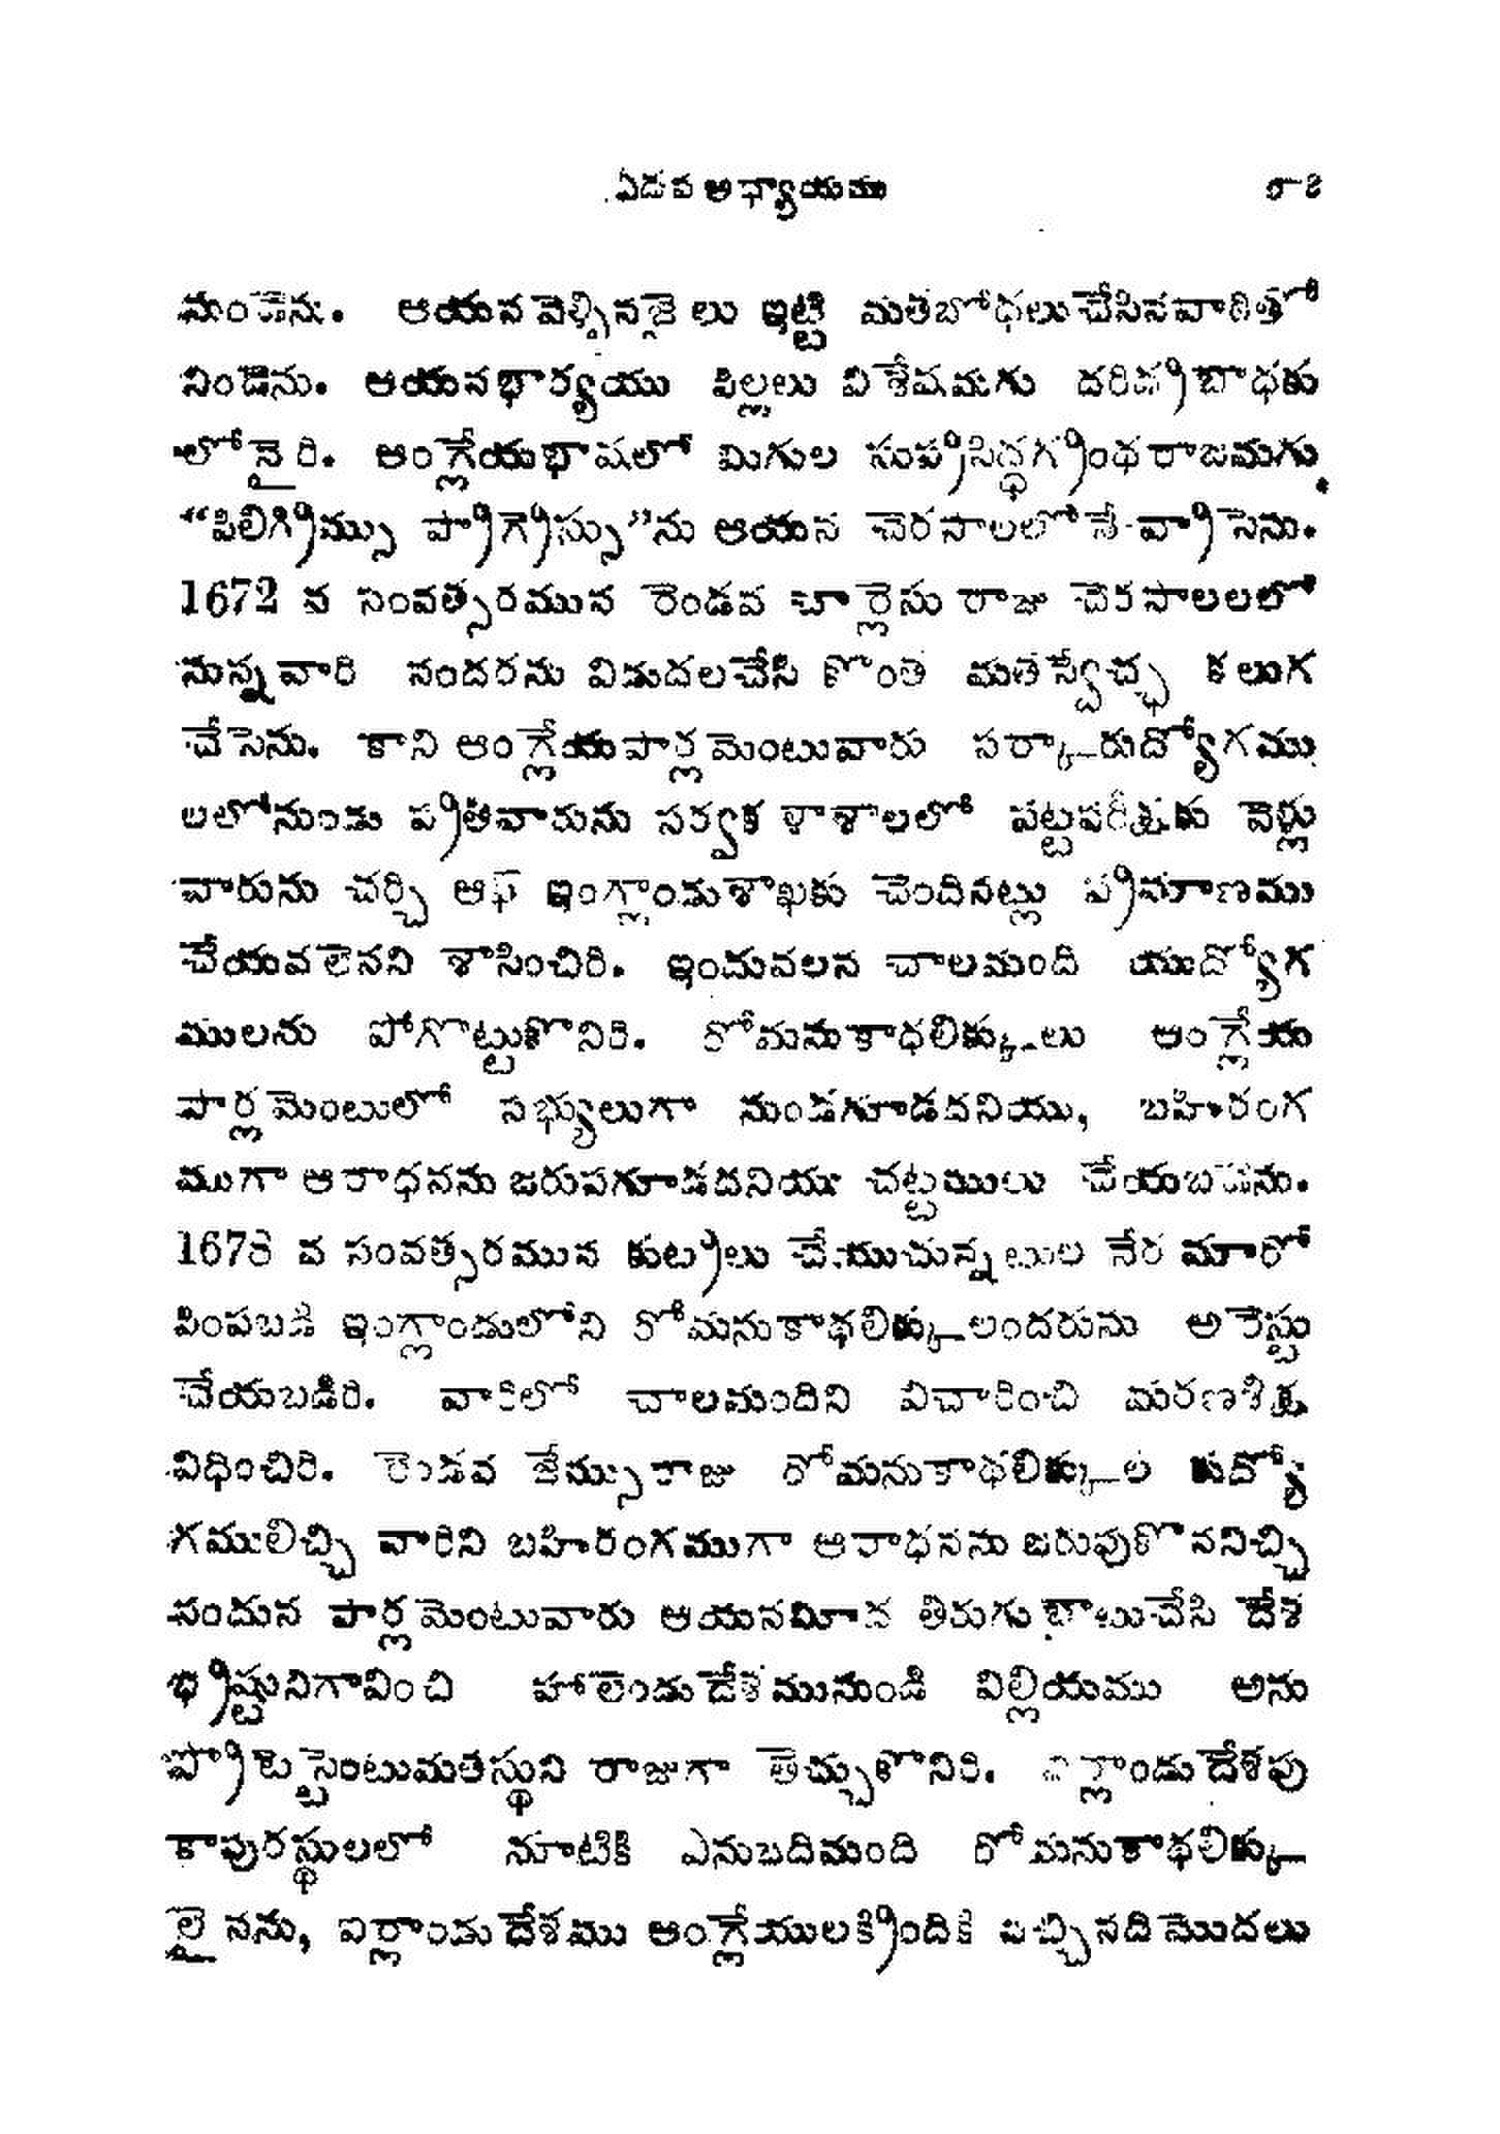నుండెను. ఆయన వెళ్ళిన జై లు ఇట్టి మతబోధలు చేసిన వాటితో
నిండెను. ఆయన భార్యయు పిల్లలు విశేషమగు దరిద్ర బాధకు
లో నైరి. ఆంగ్లేయ భాషలో మిగుల సుప్రసిద్ధ గ్రంథ రాజమగు
“పిలిగ్రిమ్సు ప్రోగ్రెస్సు"ను ఆయన చెరసాలలోనే వ్రాసెను.
1672 వ సంవత్సరమున "రెండవ చార్లెసు రాజు చెరసాలలలో
'సున్న వారి సందరసు విడుదల చేసి కొంత మతస్వేచ్ఛ కలుగ
చేసెను. "కాని ఆంగ్లేయు పార్లమెంటువారు సర్కారుద్యోగము
లలోనుండు ప్రతివారును సర్వక ళాశాలలో పట్టపరీక్షకు వెళ్లు
వారును చర్చి ఆఫ్ ఇంగ్లాంకు శాఖకు చెందినట్లు ప్రమాణము
చేయవలెనని శాసించిరి. ఇందువలన చాలమంది యుద్యోగ
ములను పోగొట్టు కొనిరి. రోమను కాధలిక్కులు ఆంగ్లేయు
పార్లమెంటులో సభ్యులుగా నుండ గూడదనియు, బహిరంగ
ముగా ఆరాధనను జరుపగూడ దనియు చట్టములు చేయబడెను.
1678 వ సంవత్సరమున కుట్రలు చేయుచున్నటుల నేర మారో
పింపబడి ఇంగ్లాండులోని రోమను కాథలిక్కులందరును అరెస్టు
చేయబడిరి. వారిలో చాల మందిని విచారించి మరణశిక్ష
విధించిరి. రెండవ జేస్సు రాజు రోమను కాథలిక్కుల ఉద్యో
గములిచ్చి వారిని బహిరంగముగా ఆరాధనను జరుపుకొననిచ్చి
సందున పార్ల మెంటువారు ఆయనమీద తిరుగుబాటు చేసి దేశ
భ్రష్టునిగావించి హాలెండు దేశమునుండి విల్లియము అను
ప్రొటెస్టెంటు మతస్థుని రాజుగా తెచ్చుకొనిరి. "ఐర్లాండు దేశపు
కాపురస్థులలో నూటికి ఎనుబదిమంది రోమను కాథలిక్కు
లైనను, ఐర్లాండు దేశము ఆంగ్లేయుల క్రిందికి వచ్చినది మొదలు